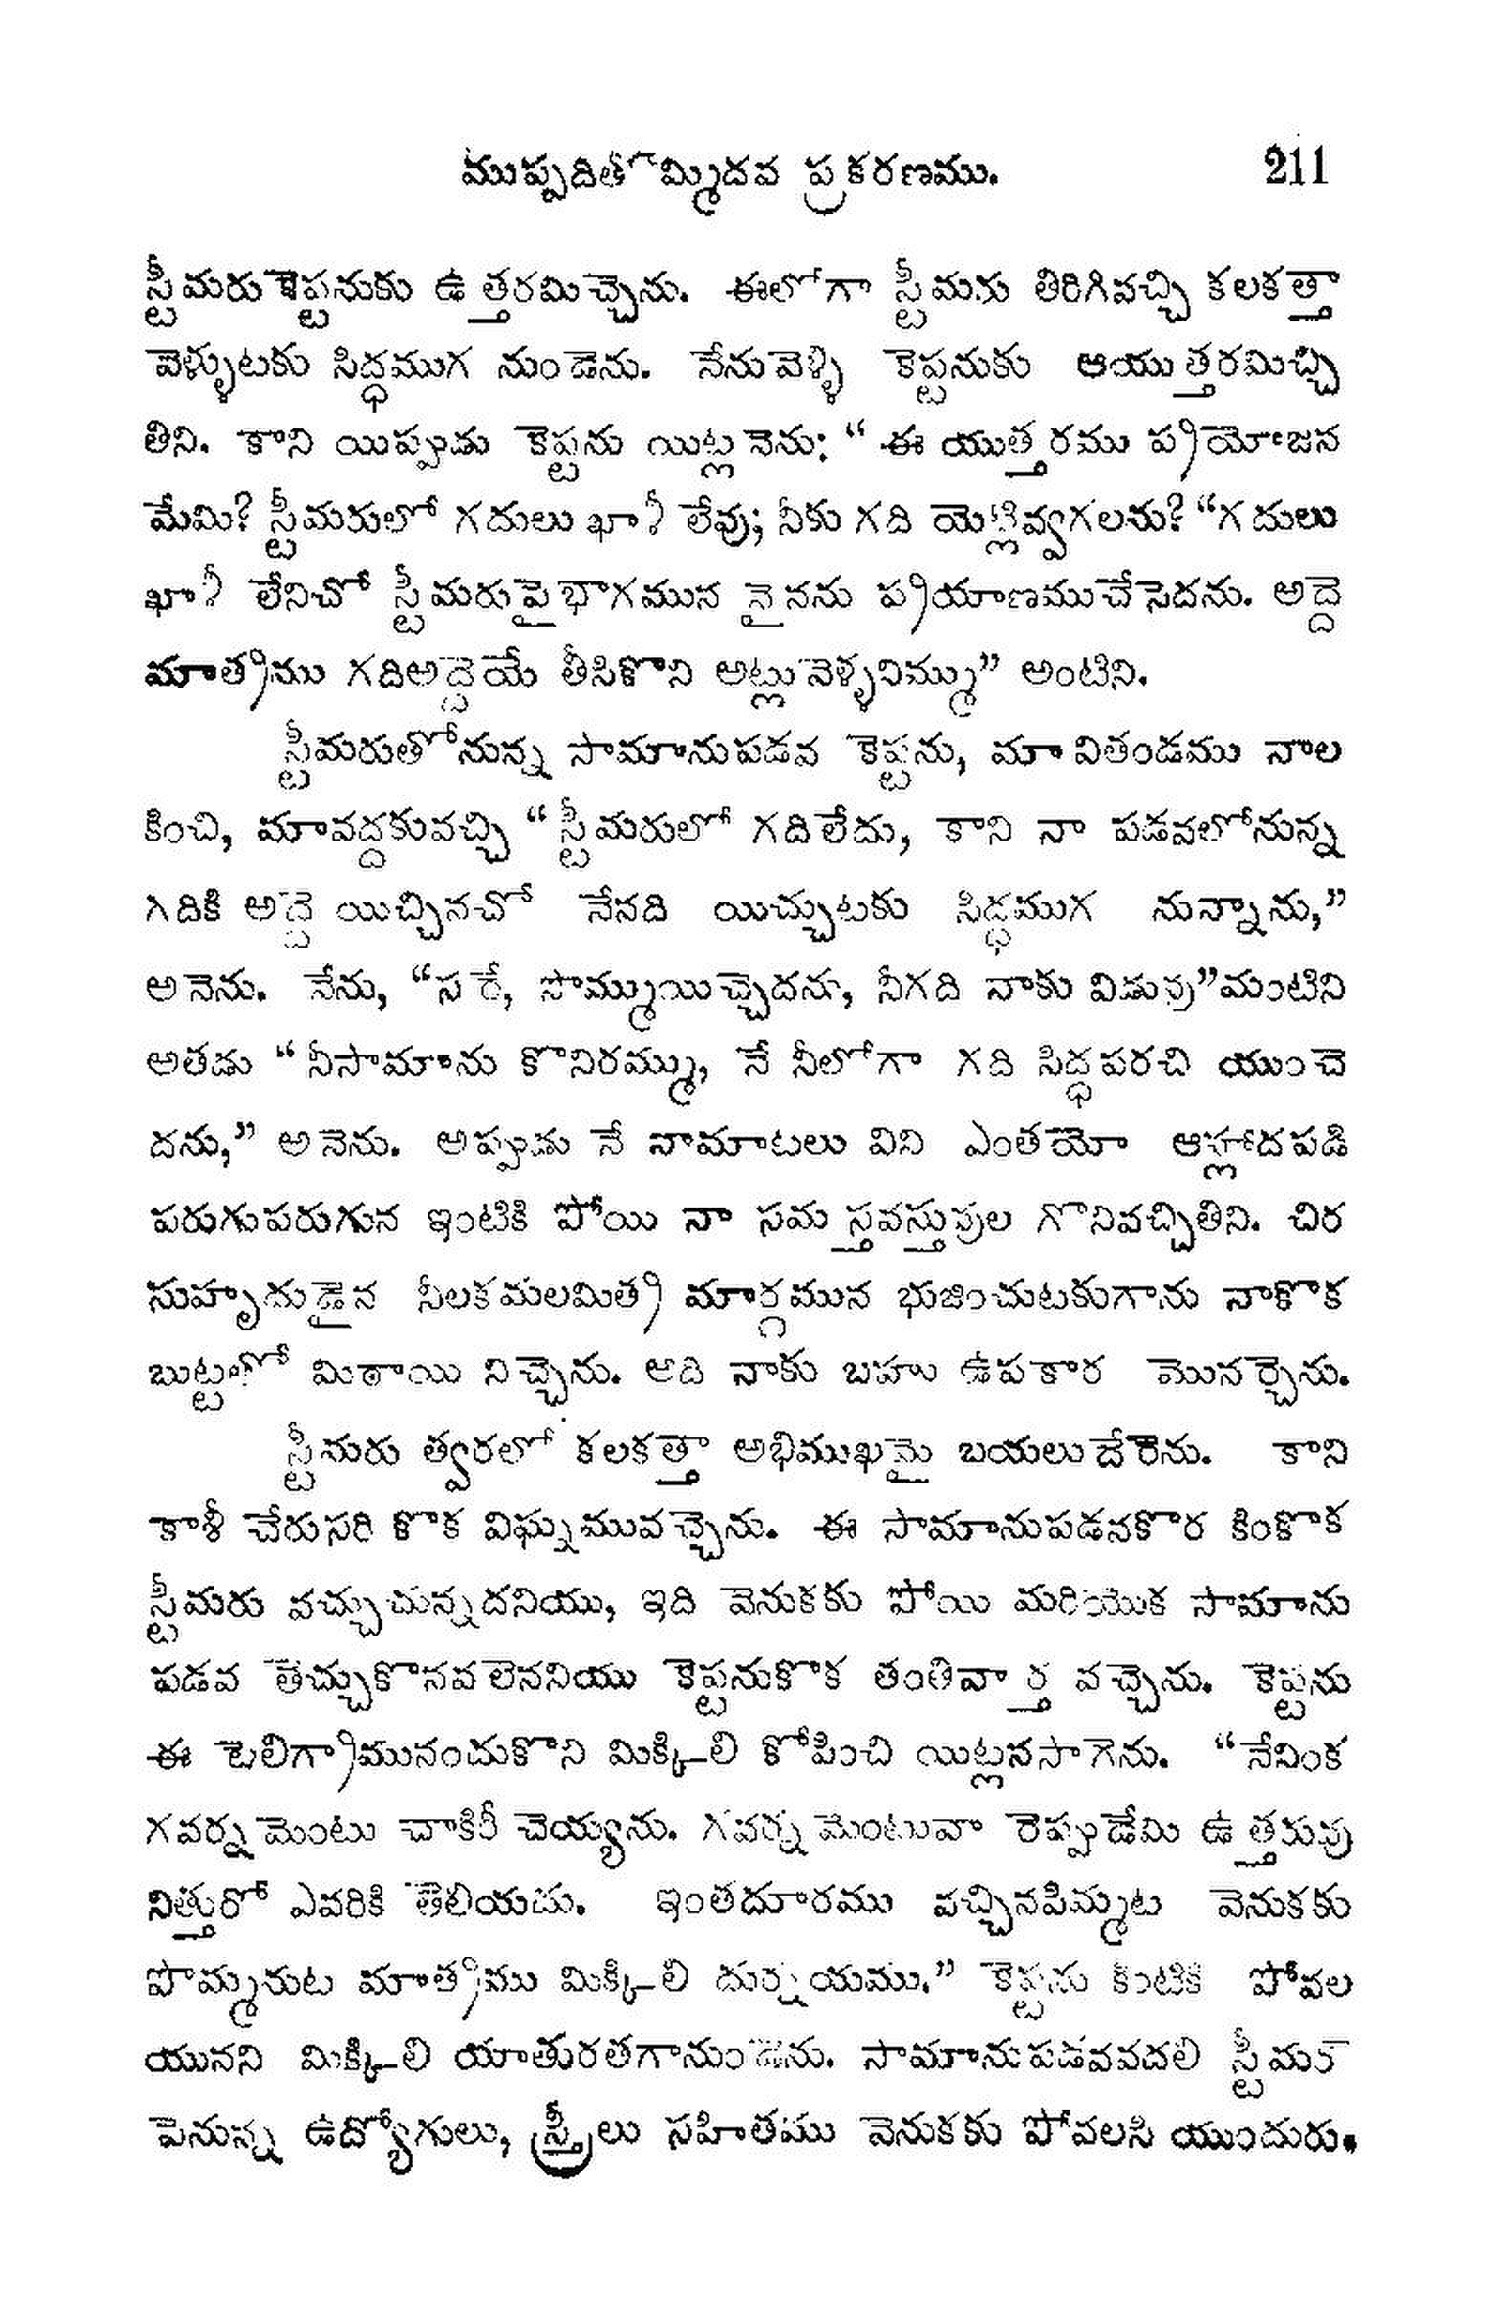స్టీమరు కెప్టనుకు ఉత్తరమిచ్చెను. ఈలోగా స్టీమను తిరిగివచ్చి కలకత్తా
వెళ్ళుటకు సిద్ధముగ నుండెను. నేను వెళ్ళి కెప్టనుకు ఆయుత్తరమిచ్చి
తిని, కొని యిప్పుడు కెప్టను యిట్ల నెను: “ ఈ యుత్తరము ప్రయోమేమి?
 స్టీమరులో గదులు ఖాళీ లేవు; నీకు గది యెట్లివ్వగలను? “గదులు
ఖాకీ లేనిచో స్టీమరు పై భాగమున నైనను ప్రయాణము చేసెదను. అద్దె
మాత్రము గదిఅద్దెయే తీసికొని అట్లు నెళ్ళనిమ్ము” అంటిని.'

స్టీమరుతోనున్న సామాను పడన కెప్టను, మా వితండము నాల
కించి, మావద్దకు వచ్చి " స్టీమరులో గది లేదు, కాని నా పడవలోనున్న
గదికి అదె యిచ్చినచో నేనది యిచ్చుటకు సిద్ధముగ నున్నాను.”
అనెను. నేను, “సరే, సొమ్ముయి చ్చెదను, నీగది నాకు విడుపు మంటిని
అతడు “ సీసామాను కొనిరమ్ము, నే నీలోగా గది సిద్ధ పరచి యుంచె
దను,” అనెను. అప్పుడు నే నామాటలు విని ఎంతయో ఆహ్లాదపడి
పరుగు పరుగున ఇంటికి పోయి నా సమస్తవస్తువుల గొనివచ్చితిని. చిర
సుహృదుడైన నీలకమలమిత్ర మార్గమున భుజించుటకుగాను నాకొక
బుట్టలో మిఠాయి నిచ్చెను. అది నాకు బహు ఉపకార మొనర్చెను.

స్టీనురు త్వరలో కలకత్తా అభిముఖమై బయలు దేరెను. కాని
కాళీ చేరుసరి కొక విఘ్నము వచ్చెను. ఈ సామాను పడనకొర కింకొక
స్టీమరు వచ్చుచున్నదనియు, ఇది వెనుకకు పోయి మరియొక సామాను
పడవ తెచ్చుకొనవ లెననియు కెప్టనుకొక తంతి వార్త వచ్చెను. కెప్టను
ఈ టెలిగ్రామునందుకొని మిక్కిలి కోపించి యిట్లనసాగెను. “ నేనింక
గవర్నమెంటు చాకిరీ చెయ్యను. గవర్నమెంటువా రెప్పుడేమి ఉత్తరువు
నిత్తురో ఎవరికి తెలియదు. ఇంతదూరము వచ్చినపిమ్మట వెనుకకు
పొమ్మచుట మాతము మిక్కిలి దుర్నయము,” కెప్టను కింటికి పోవల
యునని మిక్కిలి యాతురతగానుండెను. సామాను పడవ వదలి స్టీమర్
పైనున్న ఉద్యోగులు, స్త్రీలు సహితము వెనుకకు పోవలసి యుందురు,